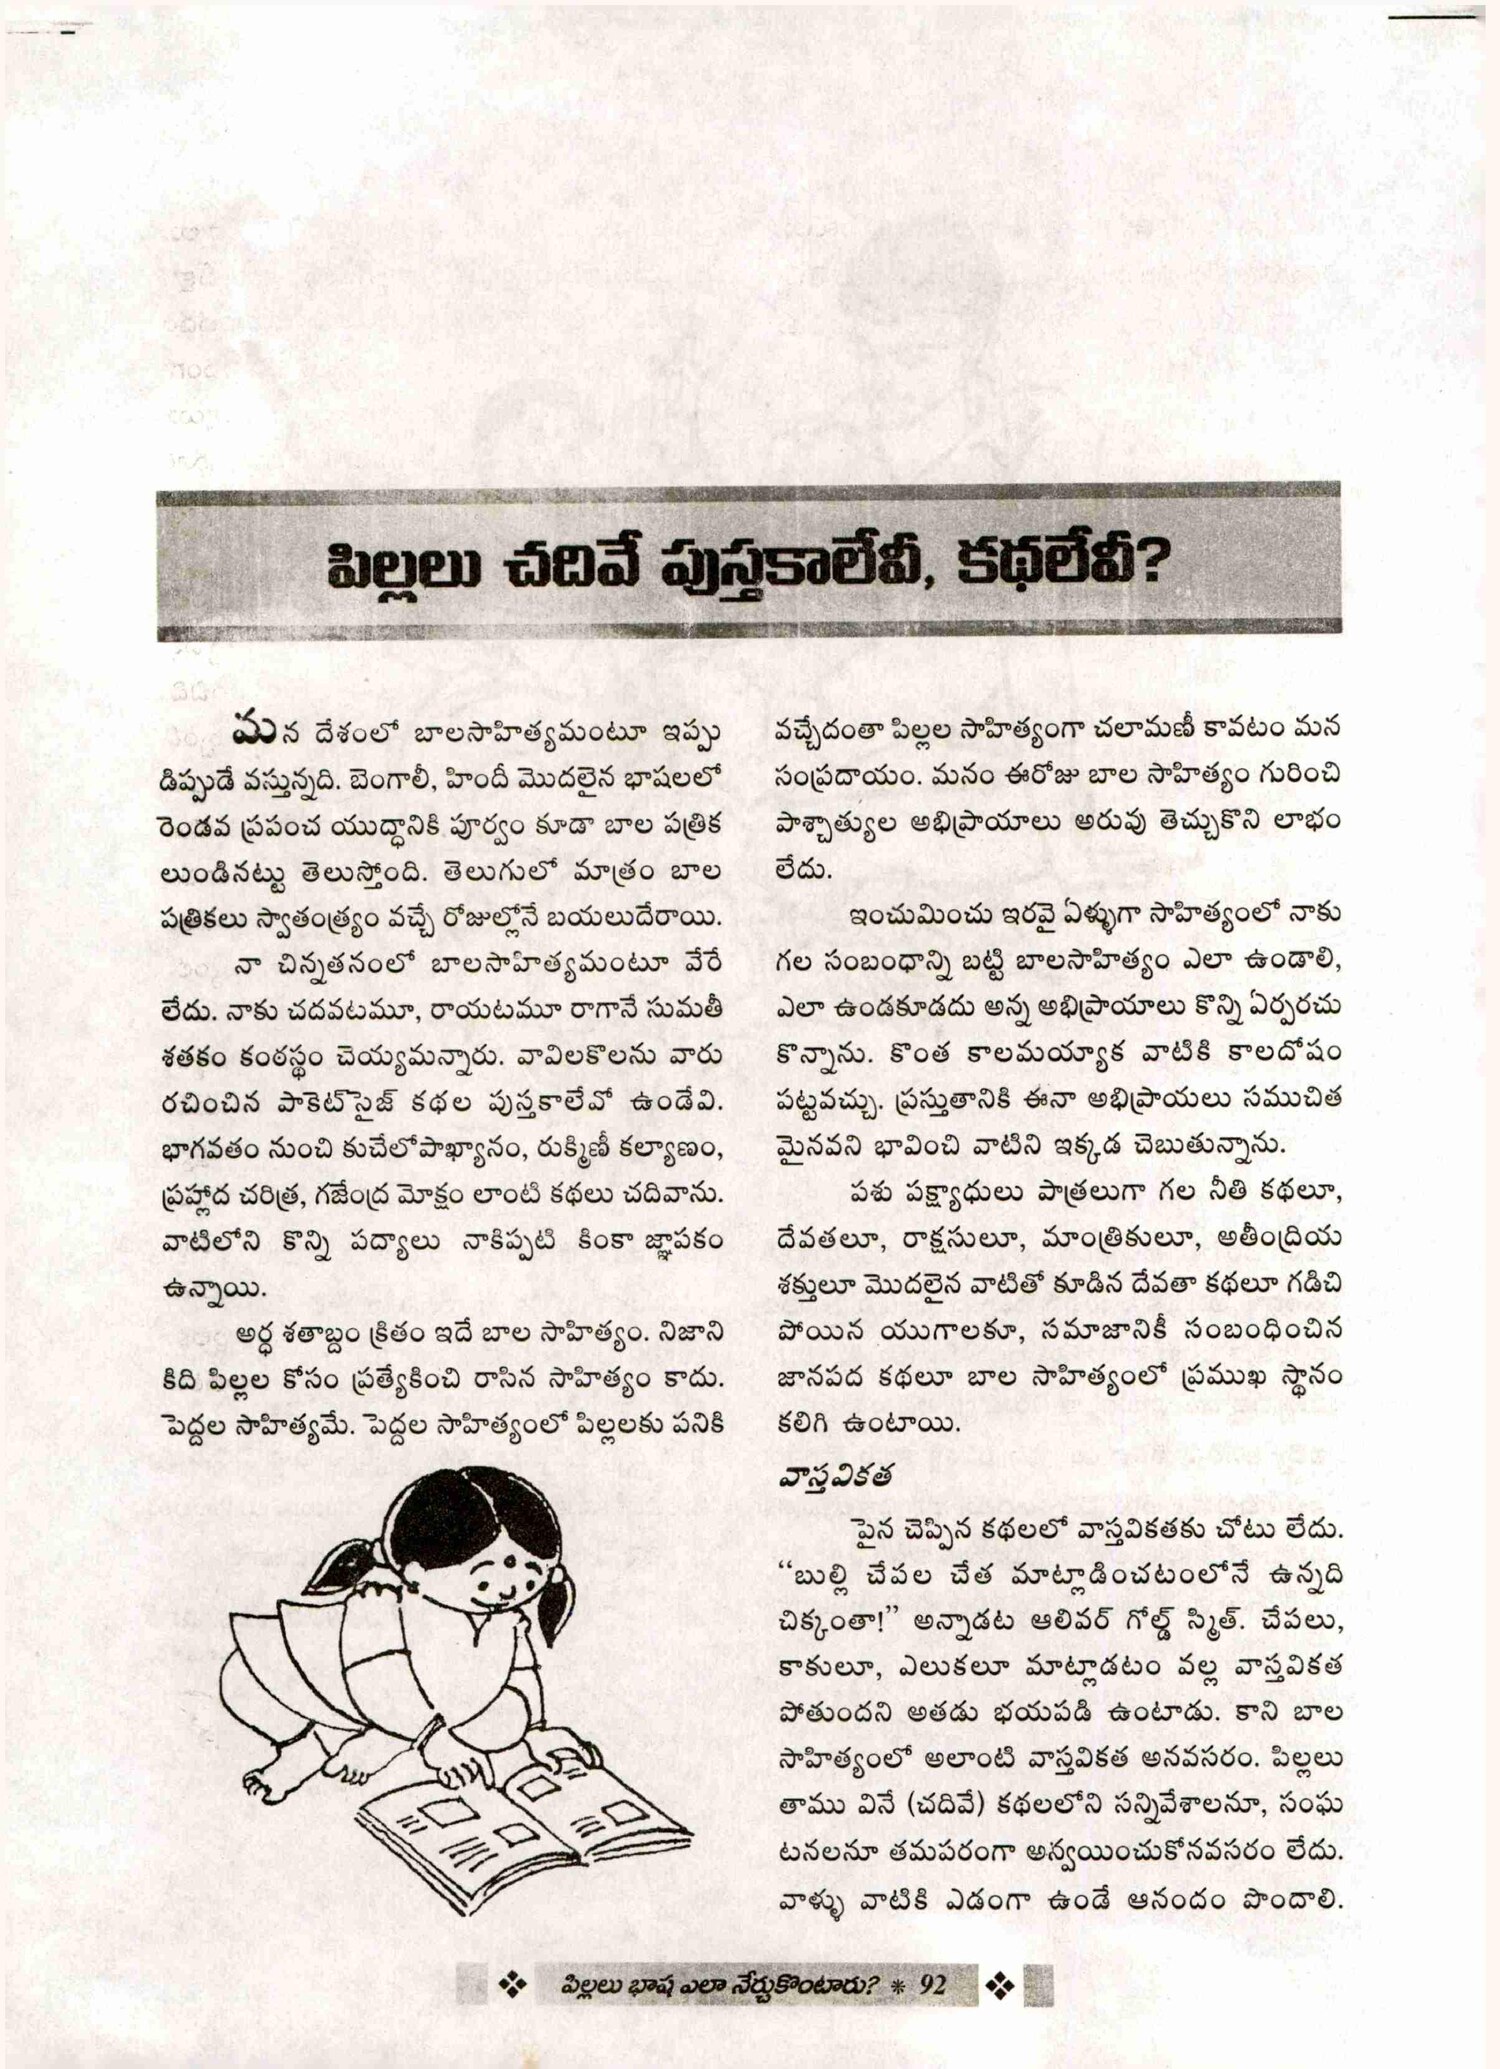పిల్లలు చదివే పుస్తకాలేవీ, కథలేవీ?

మన దేశంలో బాలసాహిత్యమంటూ ఇప్పు డిప్పుడే వస్తున్నది. బెంగాలీ, హిందీ మొదలైన భాషలలో రెండవ ప్రపంచ యుద్ధానికి పూర్వం కూడా బాల పత్రిక లుండినట్టు తెలుస్తోంది. తెలుగులో మాత్రం బాల పత్రికలు స్వాతంత్ర్యం వచ్చే రోజుల్లోనే బయలుదేరాయి.

నా చిన్నతనంలో బాలసాహిత్యమంటూ వేరే లేదు. నాకు చదవటమూ, రాయటమూ రాగానే సుమతీ శతకం కంఠస్థం చెయ్యమన్నారు. వావిలకొలను వారు రచించిన పాకెట్‌సైజ్ కథల పుస్తకాలేవో ఉండేవి. భాగవతం నుంచి కుచేలోపాఖ్యానం, రుక్మిణీ కల్యాణం, ప్రహ్లాద చరిత్ర, గజేంద్ర మోక్షం లాంటి కథలు చదివాను. వాటిలోని కొన్ని పద్యాలు నాకిప్పటి కింకా జ్ఞాపకం ఉన్నాయి.

అర్ధ శతాబ్దం క్రితం ఇదే బాల సాహిత్యం. నిజాని కిది పిల్లల కోసం ప్రత్యేకించి రాసిన సాహిత్యం కాదు. పెద్దల సాహిత్యమే. పెద్దల సాహిత్యంలో పిల్లలకు పనికి వచ్చేదంతా పిల్లల సాహిత్యంగా చలామణీ కావటం మన
సంప్రదాయం. మనం ఈరోజు బాల సాహిత్యం గురించి పాశ్చాత్యుల అభిప్రాయాలు అరువు తెచ్చుకొని లాభం లేదు.

ఇంచుమించు ఇరవై ఏళ్ళుగా సాహిత్యంలో నాకు గల సంబంధాన్ని బట్టి బాలసాహిత్యం ఎలా ఉండాలి, ఎలా ఉండకూడదు అన్న అభిప్రాయాలు కొన్ని ఏర్పరచు కొన్నాను. కొంత కాలమయ్యాక వాటికి కాలదోషం పట్టవచ్చు. ప్రస్తుతానికి ఈనా అభిప్రాయలు సముచితమైనవని భావించి వాటిని ఇక్కడ చెబుతున్నాను.

పశు పక్ష్యాధులు పాత్రలుగా గల నీతి కథలూ, దేవతలూ, రాక్షసులూ, మాంత్రికులూ, అతీంద్రియ శక్తులూ మొదలైన వాటితో కూడిన దేవతా కథలూ గడిచి పోయిన యుగాలకూ, సమాజానికీ సంబంధించిన జానపద కథలూ బాల సాహిత్యంలో ప్రముఖ స్థానం కలిగి ఉంటాయి.

వాస్తవికత

పైన చెప్పిన కథలలో వాస్తవికతకు చోటు లేదు. “బుల్లి చేపల చేత మాట్లాడించటంలోనే ఉన్నది చిక్కంతా!" అన్నాడట ఆలివర్ గోల్డ్ స్మిత్. చేపలు, కాకులూ, ఎలుకలూ మాట్లాడటం వల్ల వాస్తవికత పోతుందని అతడు భయపడి ఉంటాడు. కాని బాలసాహిత్యంలో అలాంటి వాస్తవికత అనవసరం. పిల్లలు తాము వినే (చదివే) కథలలోని సన్నివేశాలనూ, సంఘటనలనూ తమపరంగా అన్వయించుకోనవసరం లేదు. వాళ్ళు వాటికి ఎడంగా ఉండే ఆనందం పొందాలి.